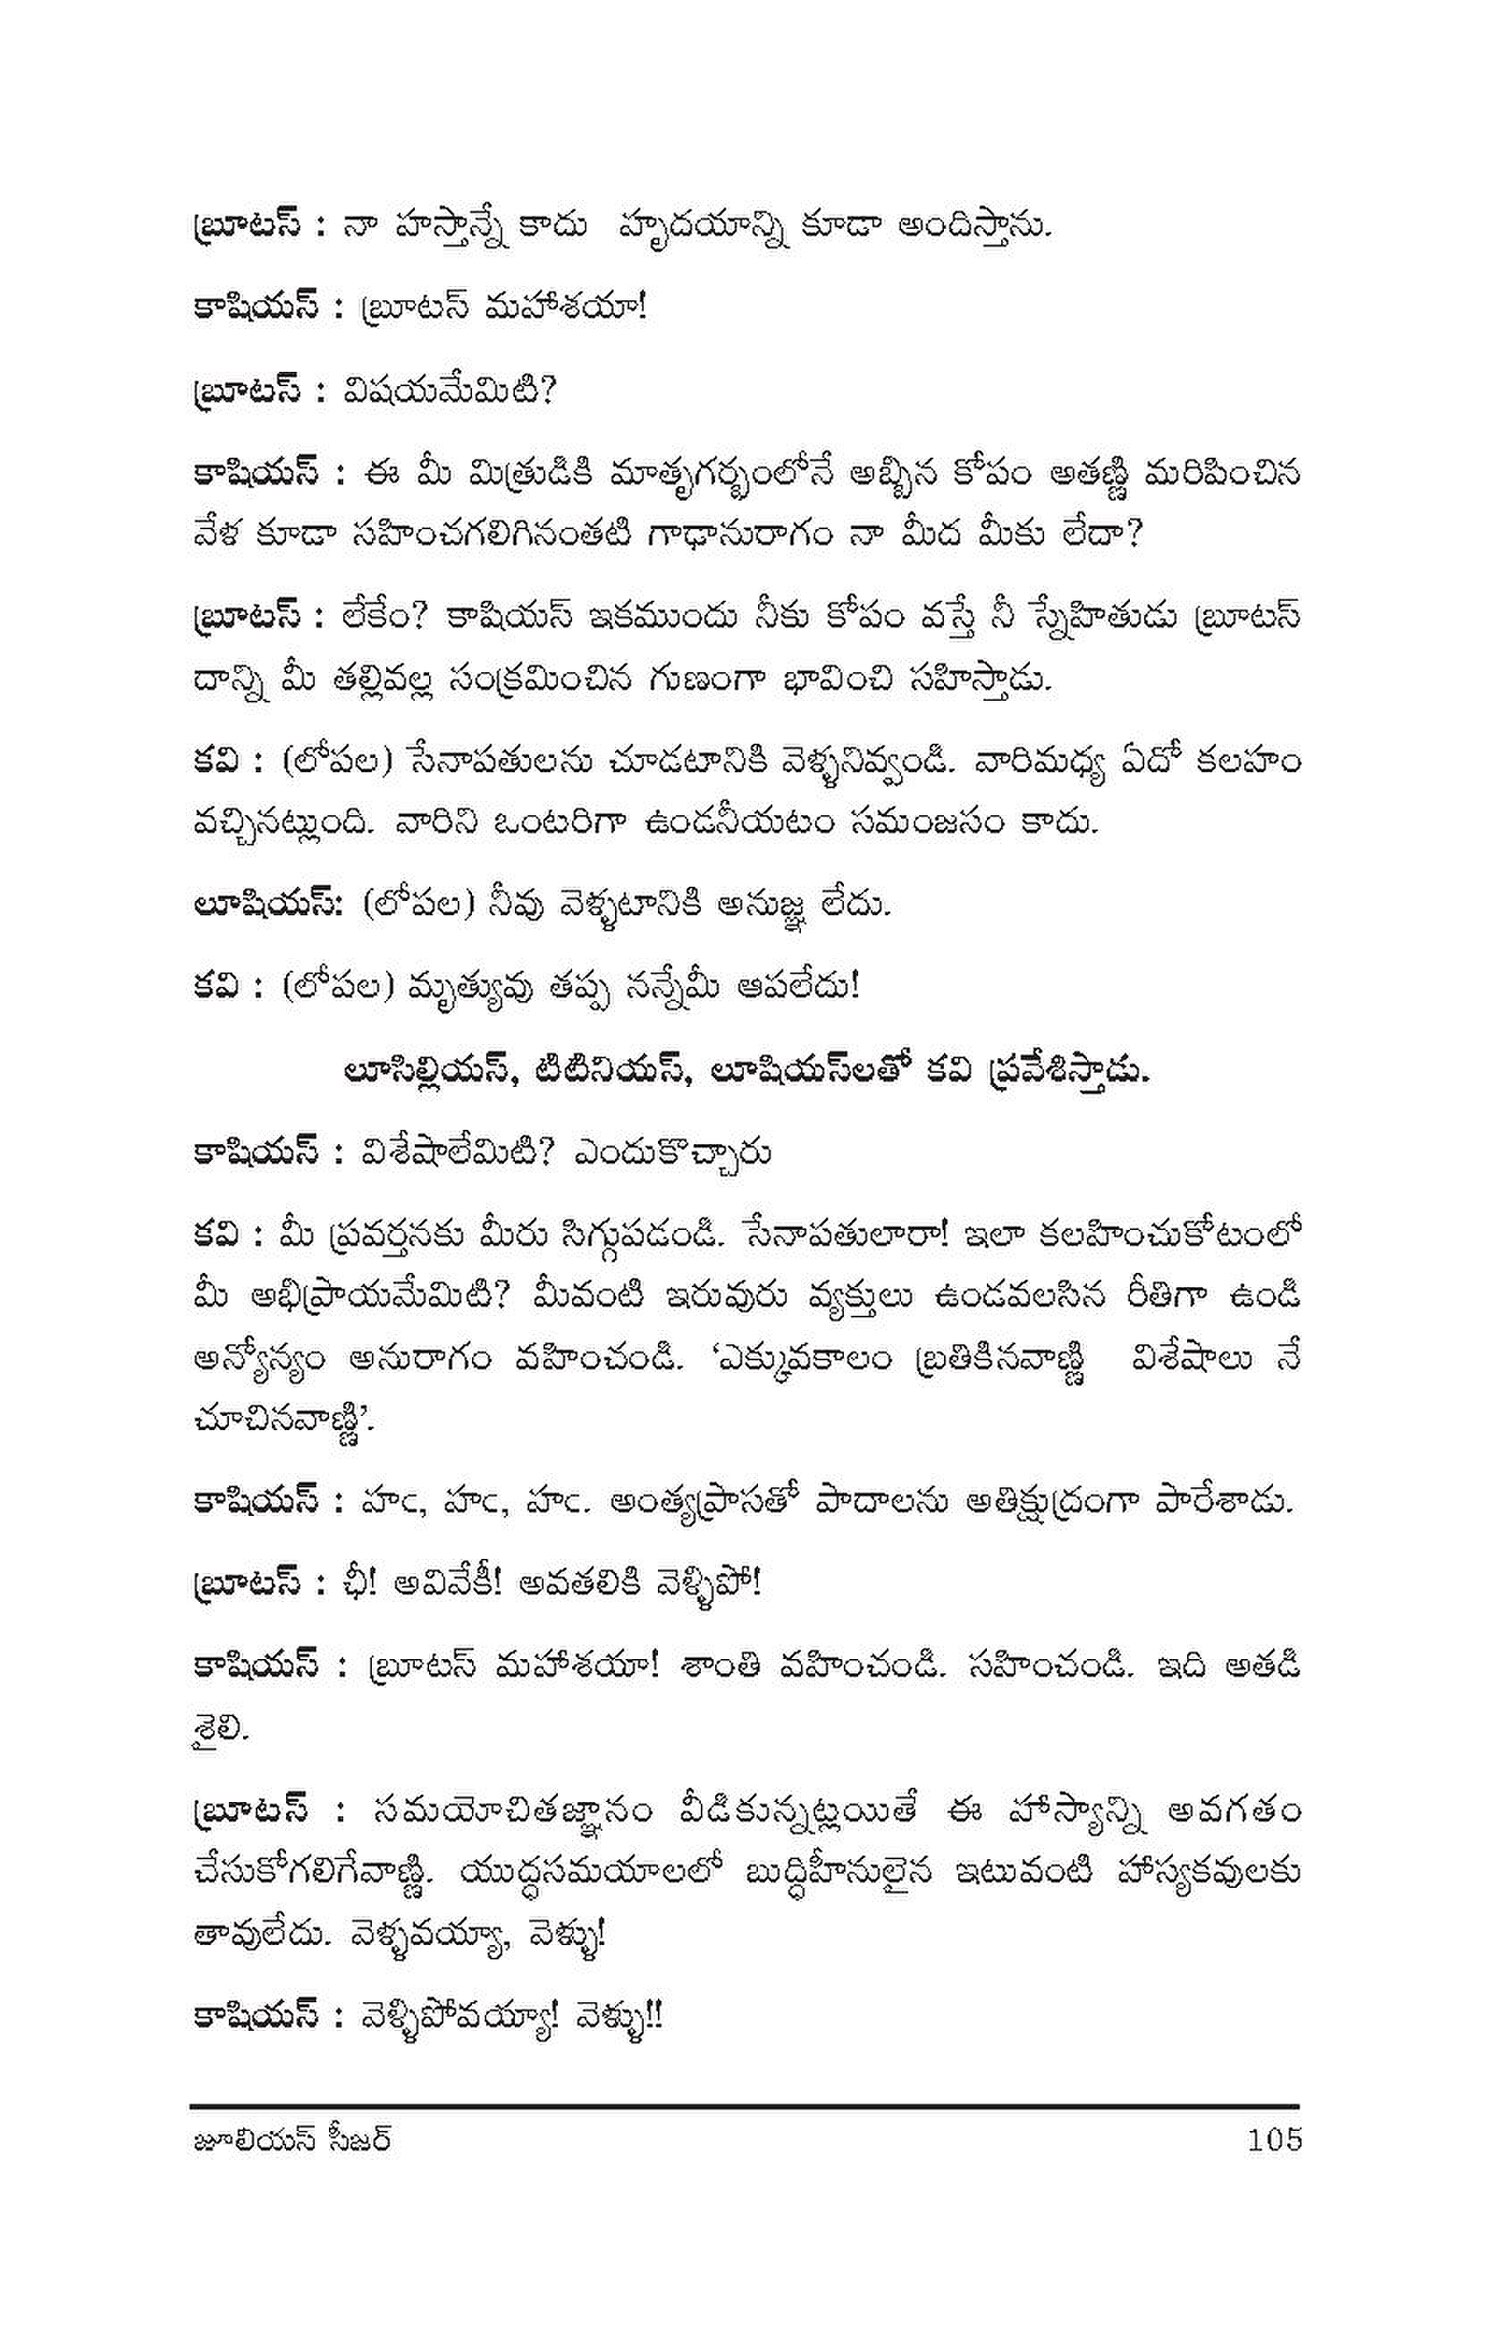బ్రూటస్ : నా హస్తాన్నే కాదు హృదయాన్ని కూడా అందిస్తాను.

కాషియస్ : బ్రూటస్ మహాశయా!

బ్రూటస్ : విషయమేమిటి?

కాషియస్ : ఈ మీ మిత్రుడికి మాతృగర్భంలోనే అబ్బిన కోసం అతణ్ణి మరిపించిన వేళ కూడా సహించగలిగినంతటి గాఢానురాగం నా మీద మీకు లేదా?

బ్రూటస్ : లేకేం? కాషియస్ ఇకముందు నీకు కోపం వస్తే నీ స్నేహితుడు బ్రూటస్ దాన్ని మీ తల్లివల్ల సంక్రమించిన గుణంగా భావించి సహిస్తాడు.

కవి : (లోపల) సేనాపతులను చూడటానికి వెళ్ళనివ్వండి. వారిమధ్య ఏదో కలహం వచ్చినట్లుంది. వారిని ఒంటరిగా ఉండనీయటం సమంజసం కాదు.

లూషియస్ : (లోపల) నీవు వెళ్ళటానికి అనుజ్ఞ లేదు.

కవి : (లోపల) మృత్యువు తప్ప నన్నేమీ ఆపలేదు!

కాషియస్ : విశేషాలేమిటి? ఎందుకొచ్చారు

కవి : మీ ప్రవర్తనకు మీరు సిగ్గుపడండి. సేనాపతులారా! ఇలా కలహించుకోటంలో మీ అభిప్రాయమేమిటి? మీవంటి ఇరువురు వ్యక్తులు ఉండవలసిన రీతిగా ఉండి అన్యోన్యం అనురాగం వహించండి. 'ఎక్కువకాలం బ్రతికినవాణ్ణి విశేషాలు నే చూచినవాణ్ణి'.

కాషియస్ : హఁ, హఁ, హఁ. అంత్యప్రాసతో పాదాలను అతిక్షుద్రంగా పారేశాడు.

బ్రూటస్ : ఛీ! అవివేకీ! అవతలికి వెళ్ళిపో!

కాషియస్ : బ్రూటస్ మహాశయా! శాంతి వహించండి. సహించండి. ఇది అతడి శైలి.

బ్రూటస్ : సమయోచితజ్ఞానం వీడికున్నట్లయితే ఈ హాస్యాన్ని అవగతం చేసుకోగలిగేవాణ్ణి. యుద్ధసమయాలలో బుద్ధిహీనులైన ఇటువంటి హాస్యకవులకు తావులేదు. వెళ్ళవయ్యా, వెళ్ళు!

కాషియస్ : వెళ్ళిపోవయ్యా! వెళ్ళు!!